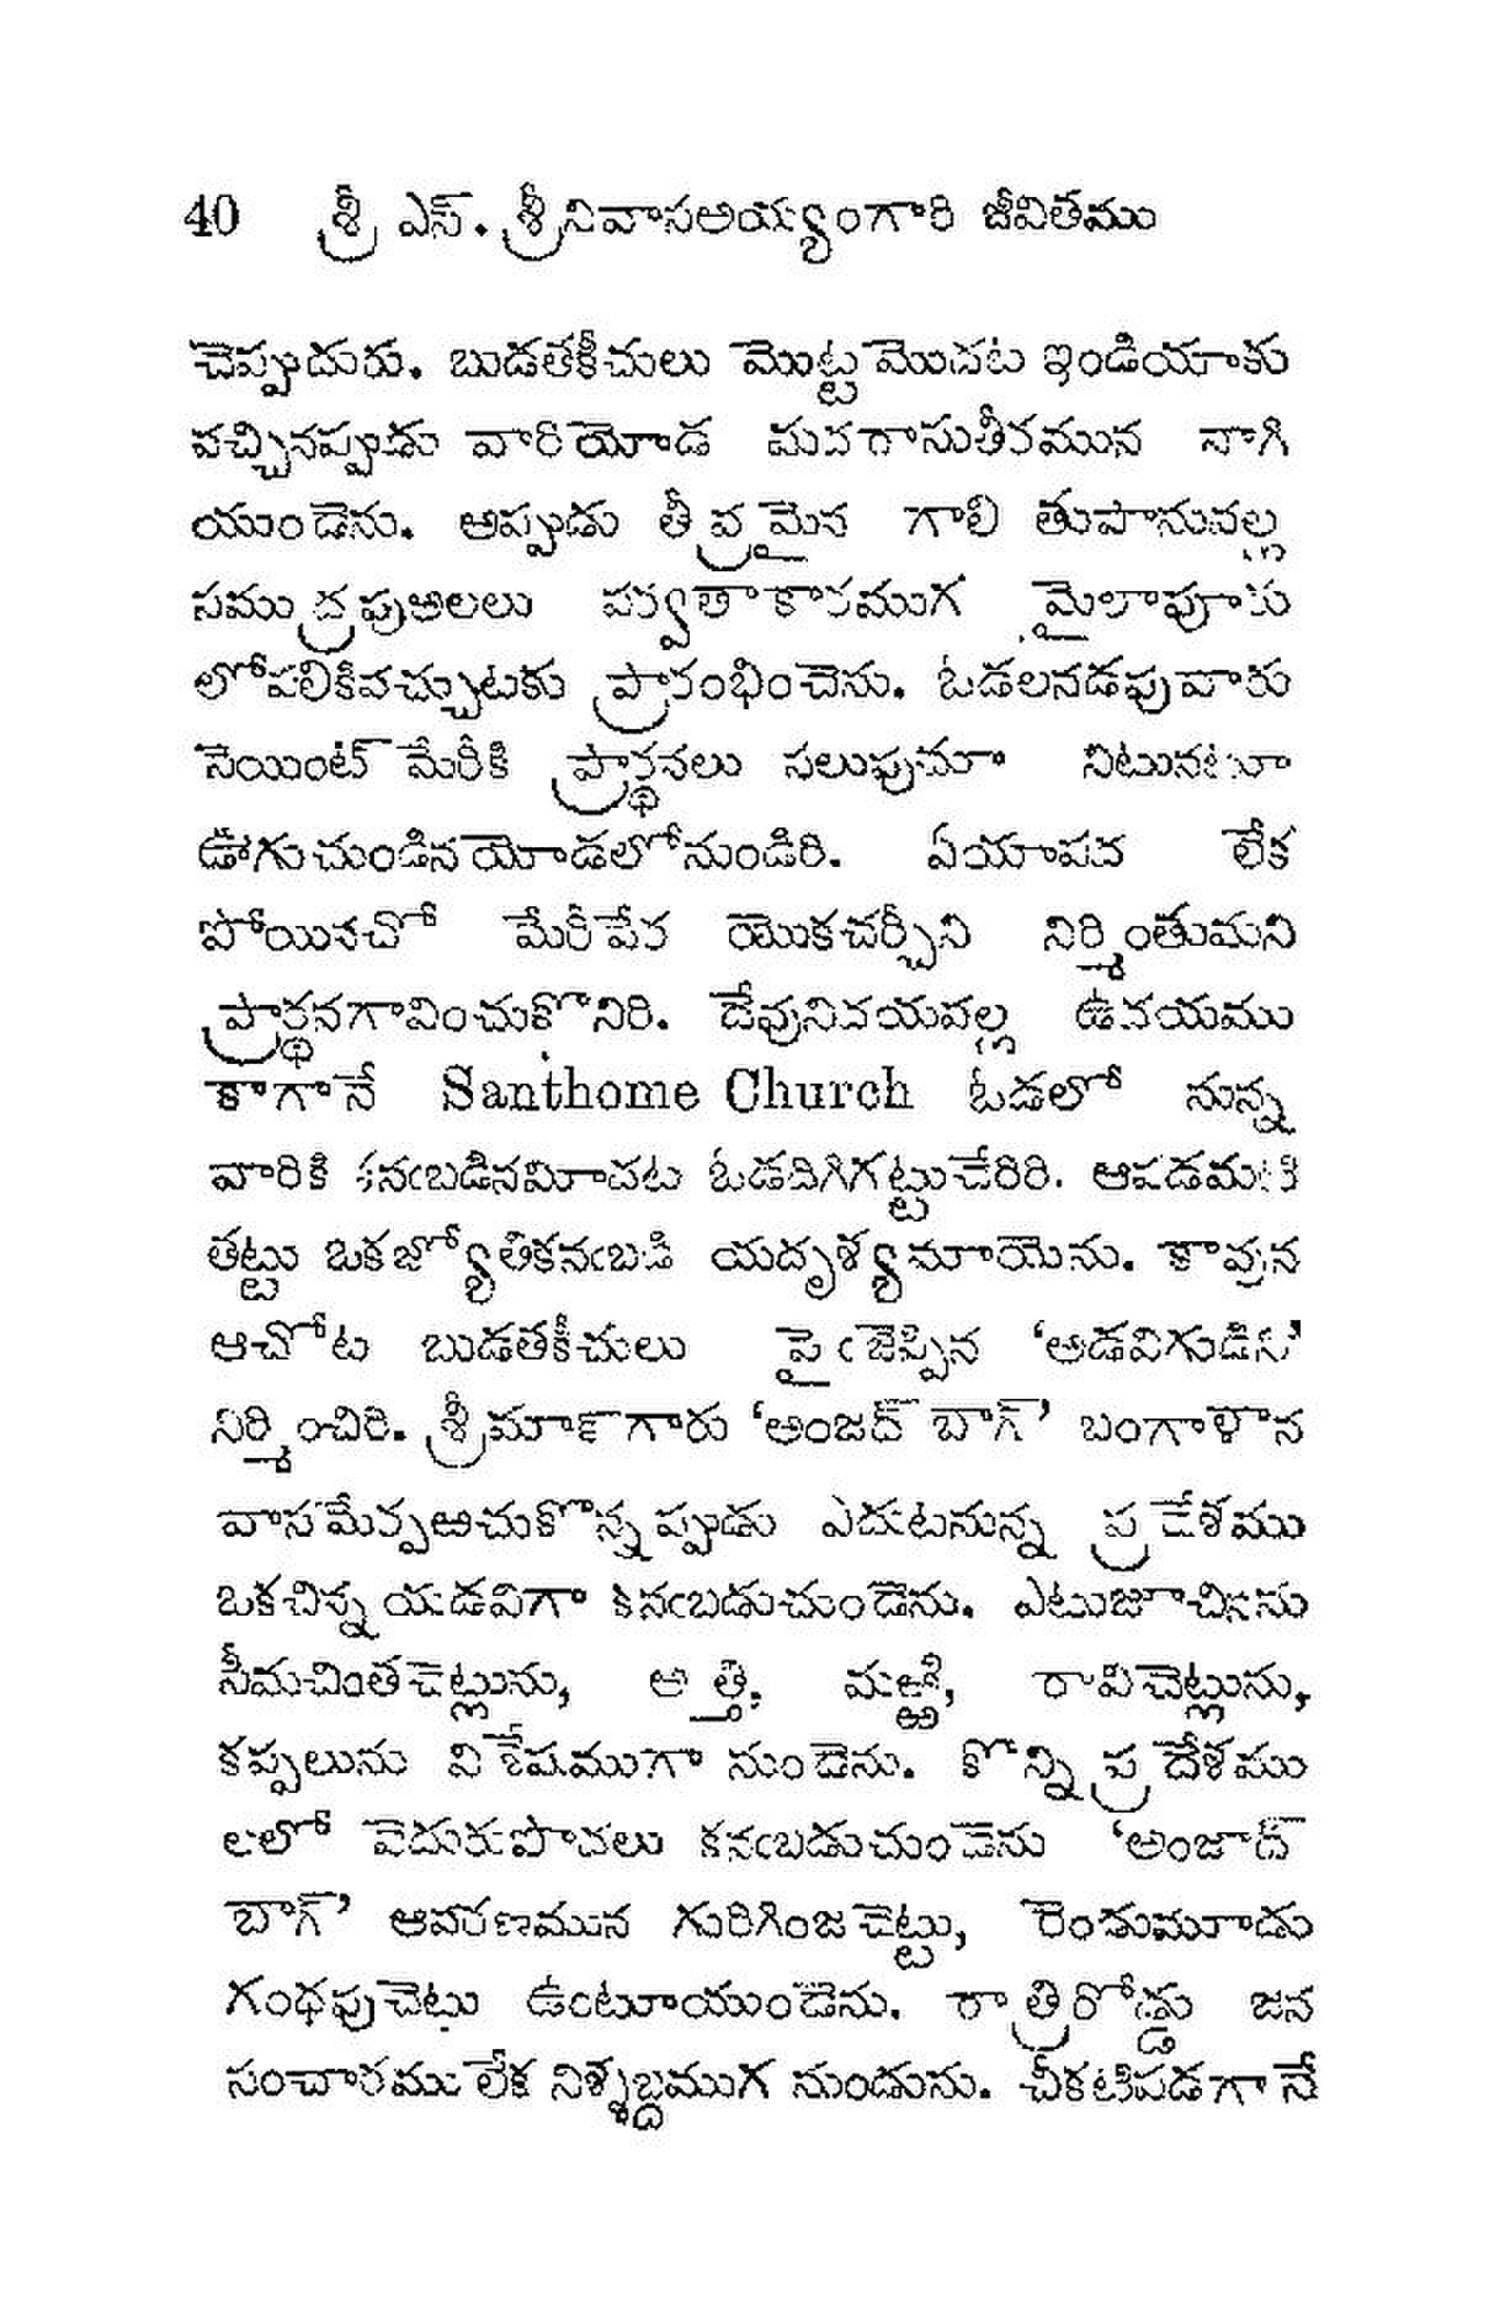చెప్పుదురు. బుడతకీచులు మొట్టమొదట ఇండియాకు వచ్చినప్పుడు వారియోడ మదరాసుతీరమున నాగి యుండెను. అప్పుడు తీవ్రమైన గాలి తుపానువల్ల సముద్రపుఅలలు పర్వతాకారముగ మైలాపూరు లోపలికివచ్చుటకు ప్రారంభించెను. ఓడలనడపువారు సెయింట్ మేరీకి ప్రార్థనలు సలుపుచూ నిటునటూ ఊగుచుండిన యోడలోనుండిరి. ఏయాపద లేక పోయినచో మేరీపేర యొకచర్చీని నిర్మింతుమని
ప్రార్థనగావించుకొనిరి. దేవునిదయవల్ల ఉదయము కాగానే Santhome Church ఓడలో నున్న వారికి కనఁబడినమీదట ఓడదిగిగట్టుచేరిరి. ఆపడమటి తట్టు ఒకజ్యోతికనఁబడి యదృశ్యమాయెను. కావున ఆచోట బుడతకీచులు పైఁజెప్పిన 'అడవిగుడిని' నిర్మించిరి. శ్రీమా౯గారు 'అంజద్ బాగ్' బంగాళాన వాసమేర్పఱచుకొన్నప్పుడు ఎదుటనున్న ప్రదేశము ఒకచిన్నయడవిగా కనఁబడుచుండెను. ఎటుజూచినను సీమచింతచెట్లును, అత్తి, మఱ్ఱి, రావిచెట్లును, కప్పలును విశేషముగా నుండెను. కొన్నిప్రదేశములలో వెదురుపొదలు కనఁబడుచుండెను 'అంజాద్ బాగ్' ఆవరణమున గురిగింజచెట్టు, రెండుమూడు గంధపుచెట్లు ఉంటూయుండెను. రాత్రిరోడ్డు జన సంచారములేక నిశ్శబ్దముగ నుండును. చీకటిపడగానే